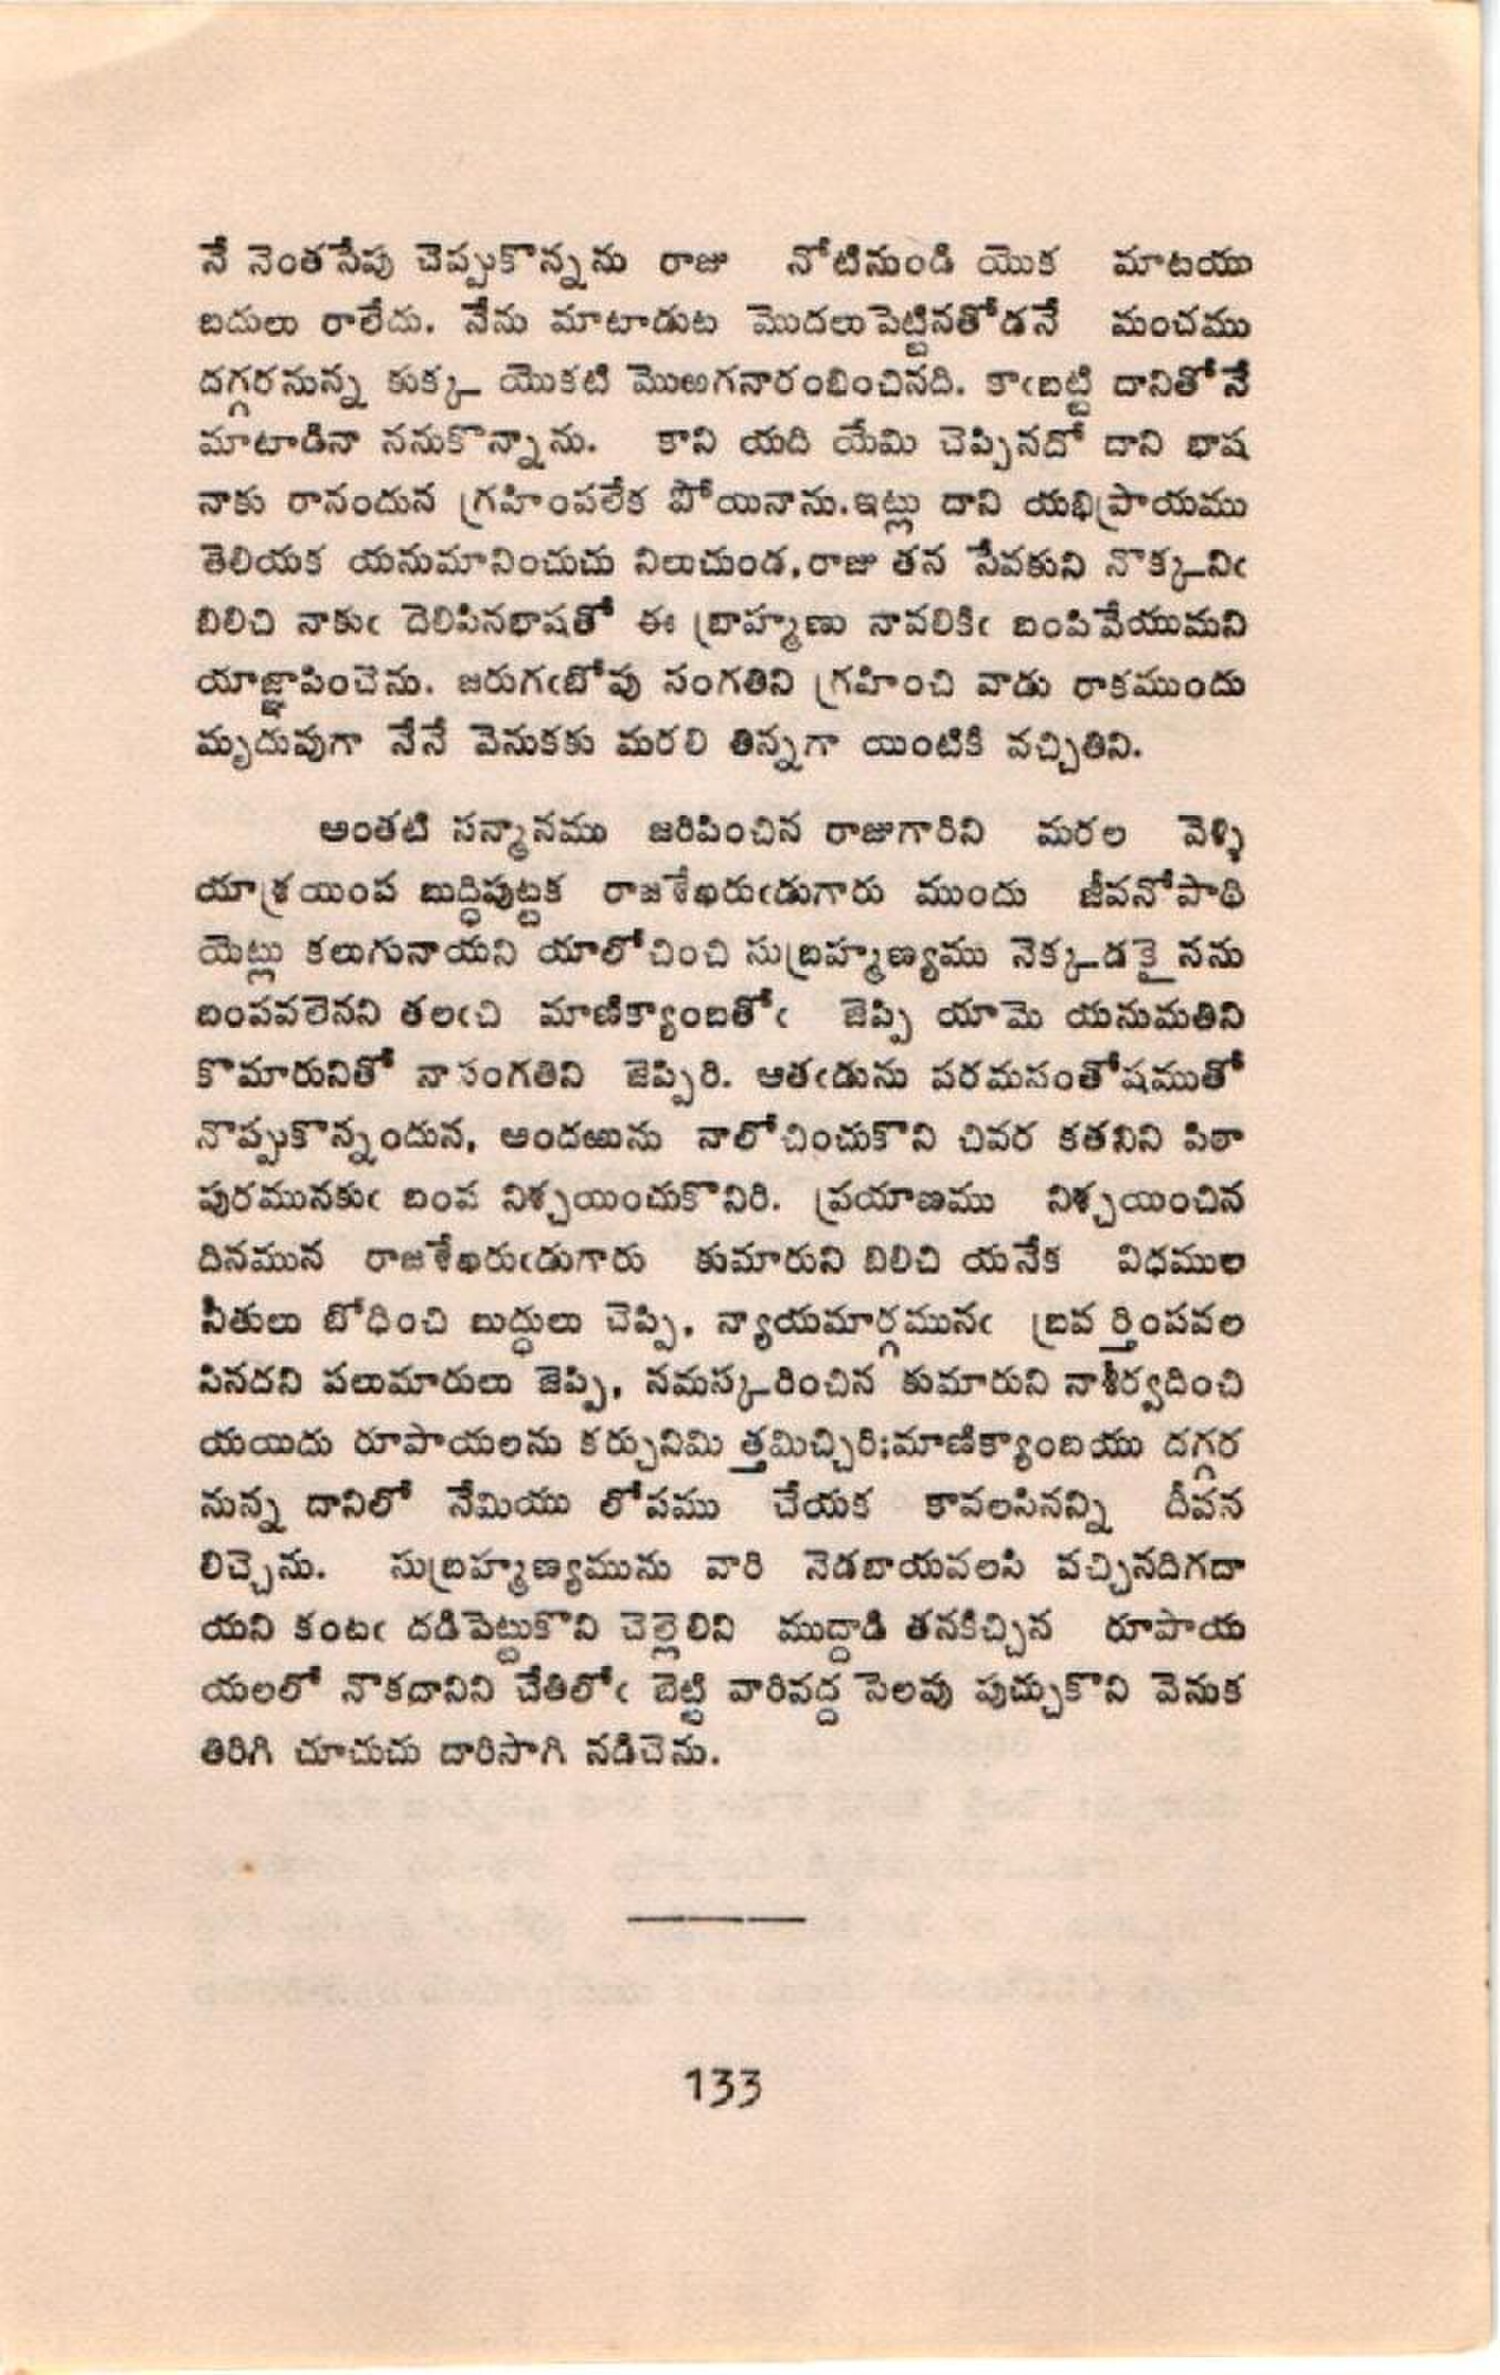నేనెంతసేపు చెప్పకొన్నను రాజు నోటినుండి యొక మాటయు బదులు రాలేదు. నేను మాటాడుట మొదలుపెట్టినతోడనే మంచము దగ్గరనున్న కుక్క యొకటి మొఱగనారంభించినది. కాబట్టి దానితోనే మాటాడినా ననుకొన్నాను. కాని యది యేమి చెప్పినదో దాని భాష నాకు రానందున గ్రహింపలేక పోయినాను. ఇట్లు దాని యభిప్రాయము తెలియక యనుమానించుచు నిలుచుండ,రాజు తన సేవకుని నొక్కనిఁ బిలిచి నాకుఁ దెలిసిన భాషతో ఈ బ్రాహ్మణు నావలికిఁ బంపివేయుమని యాజ్ఞాపించెను. జరుగఁబోవు సంగతిని గ్రహించి వాడు రాకముందు మృదువుగా నేనే వెనుకకు మరలి తిన్నగా యింటికి వచ్చితిని.

ఆంతటి సన్మానము జరిపించిన రాజుగారిని మరల వెళ్ళి యాశ్రయింప బుద్ధిపట్టక రాజశేఖరుఁడుగారు ముందు జీవనోపాధి యెట్లు కలుగునాయని యాలోచించి సుబ్రహ్మణ్యము నెక్కడ కైనను బంపవలెనని తలఁచి మాణిక్యాంబతోఁ జెప్పి యామె యనుమతిని కొమారునితో నా సంగతిని జెప్పిరి. అతఁడును పరమసంతోషముతో నొప్పుకొన్నందున, ఆందఱును నాలోచించుకొని చివర కతనిని పిఠాపురమునకుఁ బంప నిశ్చయించుకొనిరి. ప్రయాణము నిశ్చయించిన దినమున రాజశేఖరుడుగారు కుమారుని బిలిచి యనేక విధముల నీతులు బోధించి బుద్ధులు చెప్పి, న్యాయమార్గమునఁ బ్రవర్తింపవల సినదని పలుమారులు జెప్పి, నమస్కరించిన కుమారుని నాశీర్వదించి యయిదు రూపాయలను కర్చునిమిత్తమిచ్చిరి:మాణిక్యాంబయు దగ్గర నున్న దానిలో నేమియు లోపము చేయక కావలసినన్ని దీవన లిచ్చెను. సుబ్రహ్మణ్యమును వారి నెడబాయవలసి వచ్చినదిగదా యని దడిపెట్టుకొని చెల్లెలిని ముద్దాడి తనకిచ్చిన రూపాయ యలలో నొకదానిని చేతిలోఁ బెట్టి వారివద్ద సెలవు పుచ్చుకొని వెనుక తిరిగి చూచుచు దారిసాగి నడిచెను.